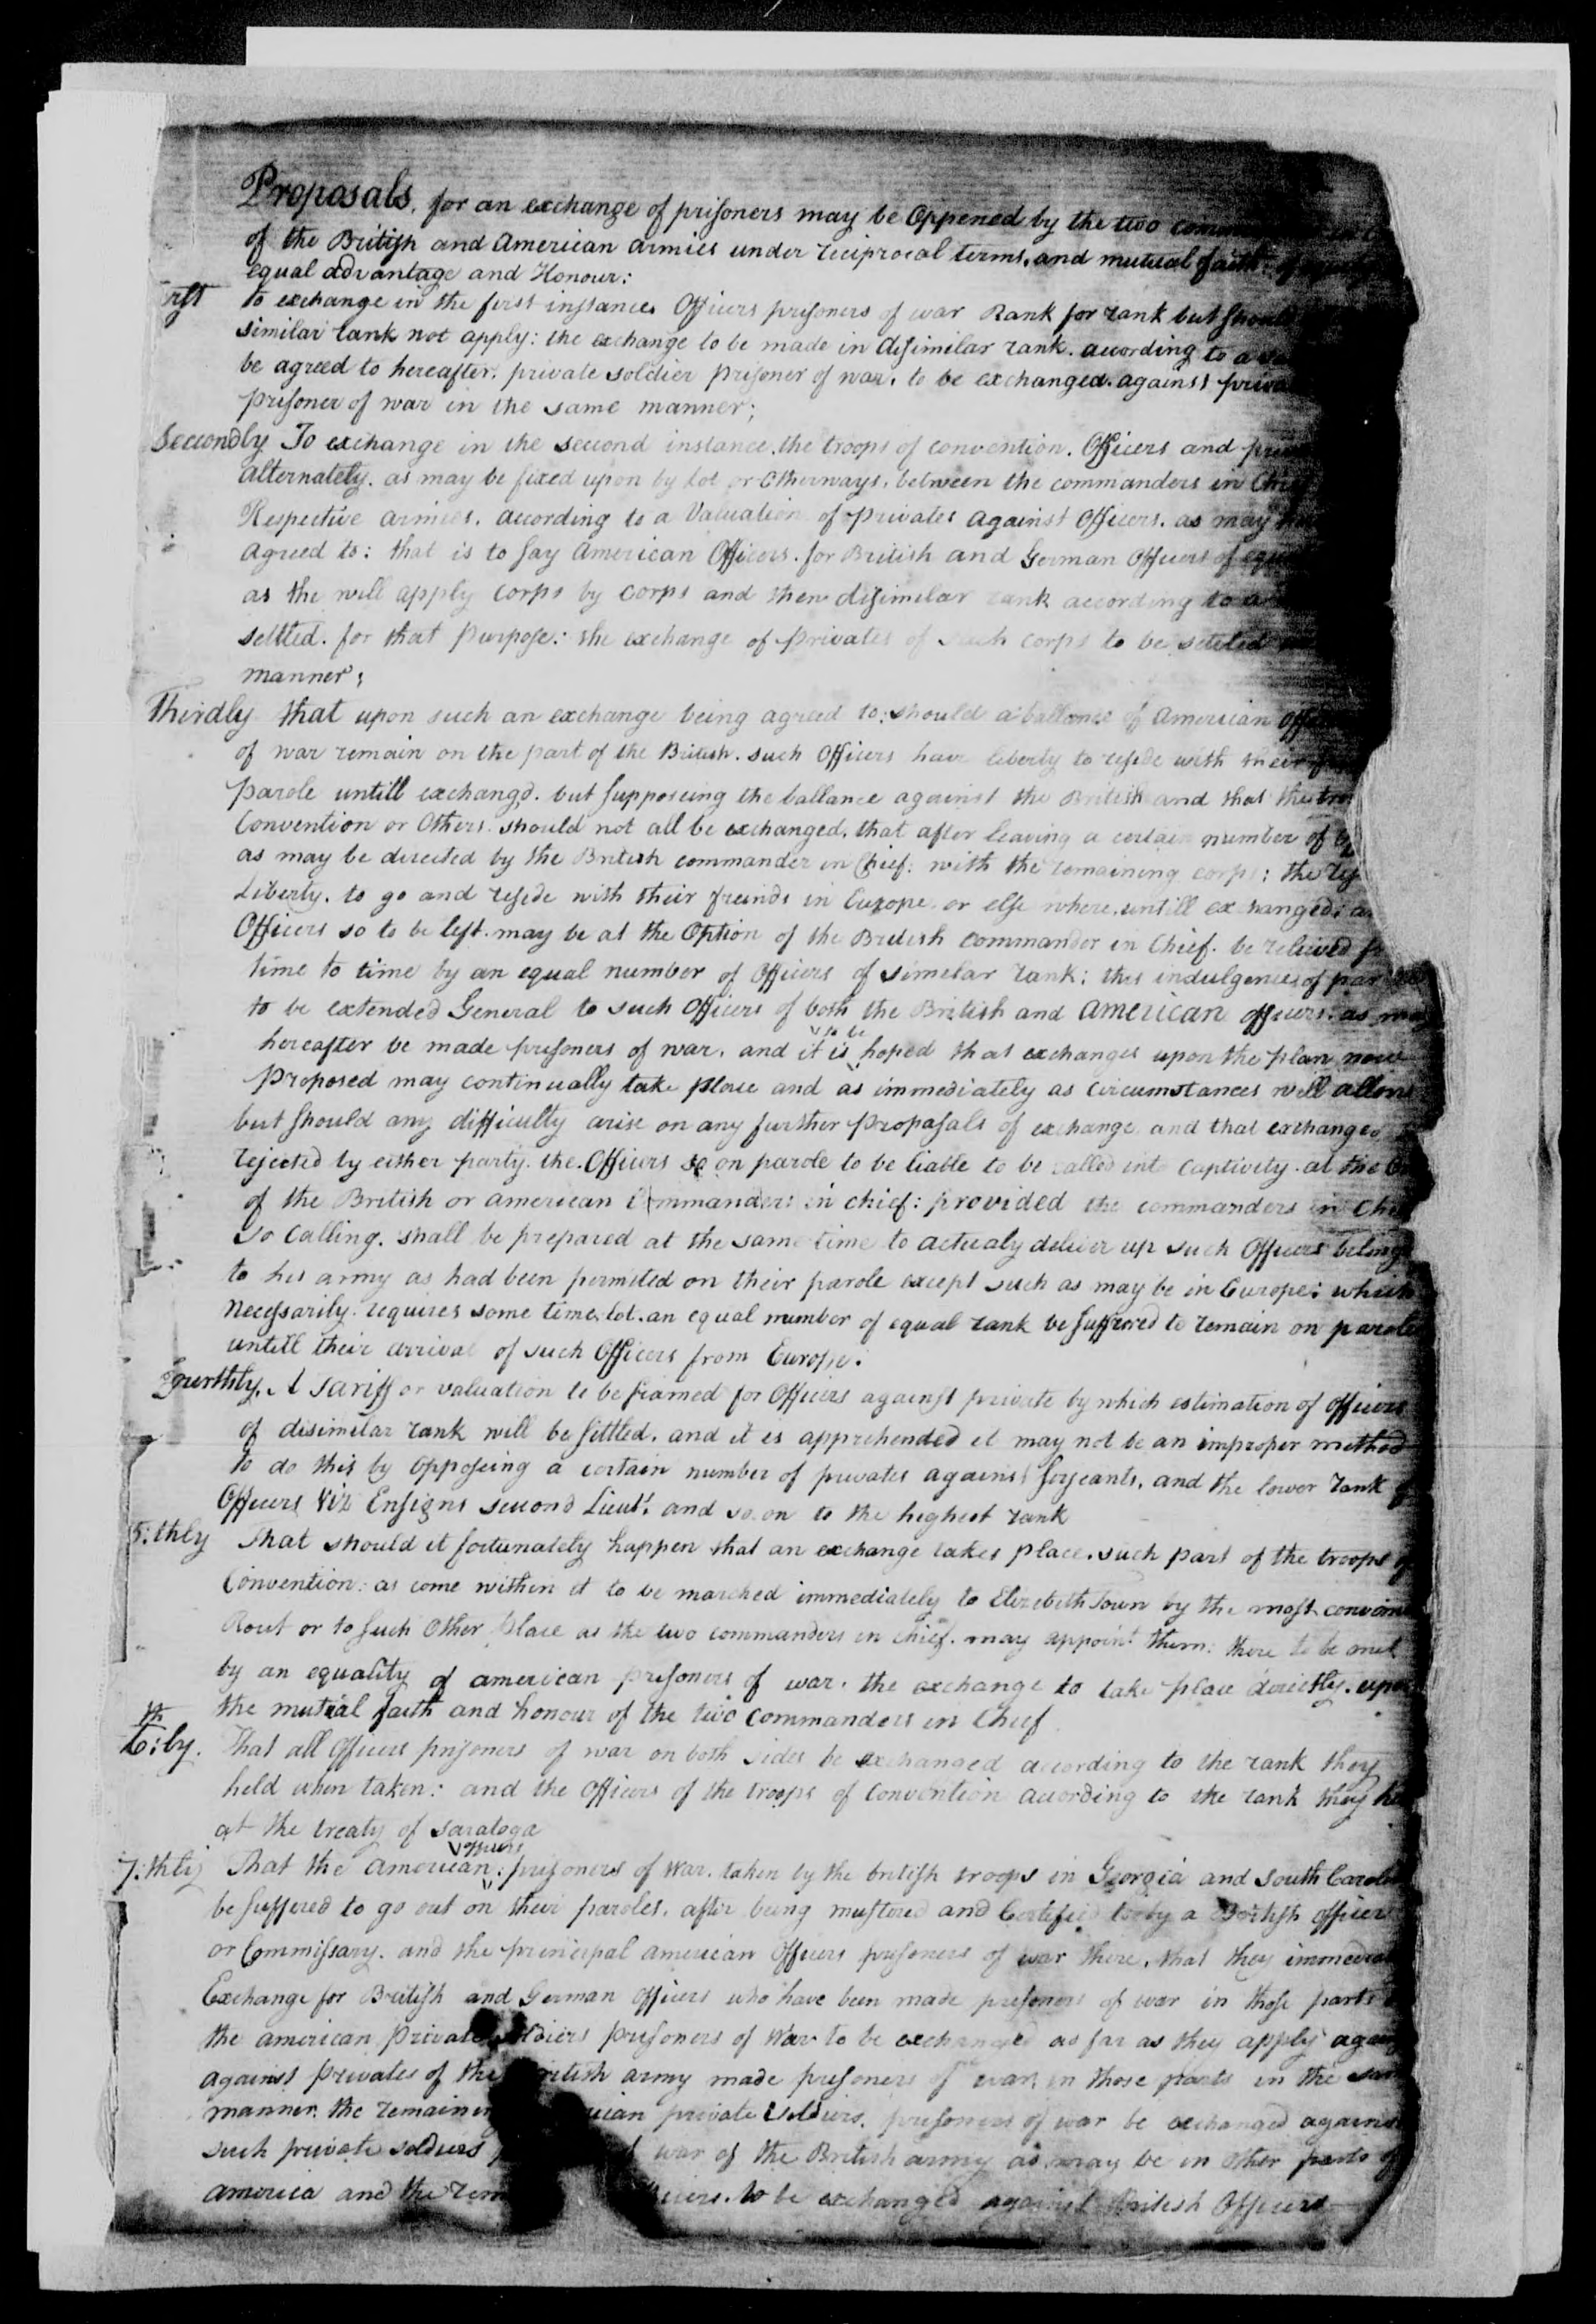Proposals, for an exchange of prisoners may be Appened [sic] by the two comm [illegible]
of the British and American armies under reciprocal terms, and mutual faith. [illegible] equal advantage and Honour: 

To exchange in the first instance Officers prisoners of war Rank for rank but should similar rank not apply: the exchange to be made in dissimilar rank, according to a [illegible]
be agreed to hereafter, private soldier prisoner of war, to be exchanged against private
prisoner of war in the same manner;

Secondly To exchange in the second instance, the troops of convention. Officers and privates
Alternately, as may be fixed upon by lot or Otherways, between the commanders in the 
Respective armies, according to a valuation of privates against Officers. as may be agreed to: that is to say American officers for British and German officers of equal [illegible] 
as the will apply corps by corps and then dissimilar rank according to terms
settled for that purpose: the exchange of privates of such corps to be seteled [sic] illegible] 
Manner.

Thirdly that upon such an exchange being agreed to, should a balance of American off [illegible] 
of war remain on the part of the British, such Officers have liberty to reside with their [illegible]
parole untill exchangd, but supposing the ballance against the British and that the tr [cutoff]
Convention or others should not all be exchanged, that after leaving a certain number of [cutoff]
as may be directed by the British commander in Chief, with the remaining corps: the [cutoff]
Liberty to go and reside with their friends in Europe or else where untill exchanged. a [cutoff] Officers so to be left, may be at the option of the British commander in Chief be relieved fr [cutoff]
time to time by an equal number of Officers of similar rank; this indulgences of par [illegible]
to be extended General to such officers of both the British and American officers as [illegible]
hereafter be made prisoners of war, and it is to be hoped that exchanges upon the plan now
proposed may continually take place and as immediately as circumstances will allow
but should any difficulty arise on any further proposals of exchange and that exchanges
Rejected by either party the Officers so on parole to be liable to be called into Captivity. at the [illegible]
of the British or American Commander in chief: provided the commanders in Chief
So calling shall be prepared at the same time to actualy deliver up such Officers belong [cutoff]
to his army as had been permited on their parole except such as may be in Europe; which
necessarily requires some time lot an equal number of equal rank be suffered to remain on parole
untill their arrival of such officers from Europe.

Fourthly, A tariff or valuation to be framed for Officers against private by which estimation of Officers
of disimilar rank will be settled, and it is apprehended it may not be an improper method
to do this by opposing a certain number of privates against Sergeants, and the lower rank of officers Viz Ensigns second Lieut. and so on to the highest rank

5:thly That should it fortunately happen that an exchange takes place, such part of the troops of
convention: as come within it to be marched immediately to Elizabeth Town by the most convenient rout or to such other place as the two commanders in chief, may appoint them: there to be met
by an equality of American prisoners of war, the exchange to take place derictley upon
the mutial faith and honour of the two commanders in Chief

6th:ly that all officers prisoners of war on both sides be exchanged according to the rank they
held when taken; and the officers of the troops of convention according to the rank they ha[cutoff] at the treaty of Saratoga

7:thly That the American officers prisoners of War, taken by the british troops in Georgia and south Carolina
be suffered to go out on their paroles, after being mustered and certified to by a British officer
or Commissary and the principal american officers prisoners of war there, that they immed [cutoff]
Exchange for British and German officers who have been made prisoner of war in those parts
the American private soldiers prisoners of war to be exchanged as far as they apply agai[cutoff]
against privates of the British army made prisoners of war, in those parts in the same
manner the remaining [illegible] private soldiers, prisoners of war be exchanged against such private soldiers [illegible] war of the British army as may be in other parts of America and the [illegible] soldiers to be exchanged against British Officers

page: 34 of 57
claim: survivor's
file: S. 2161, Hezekiah Davies, Penn